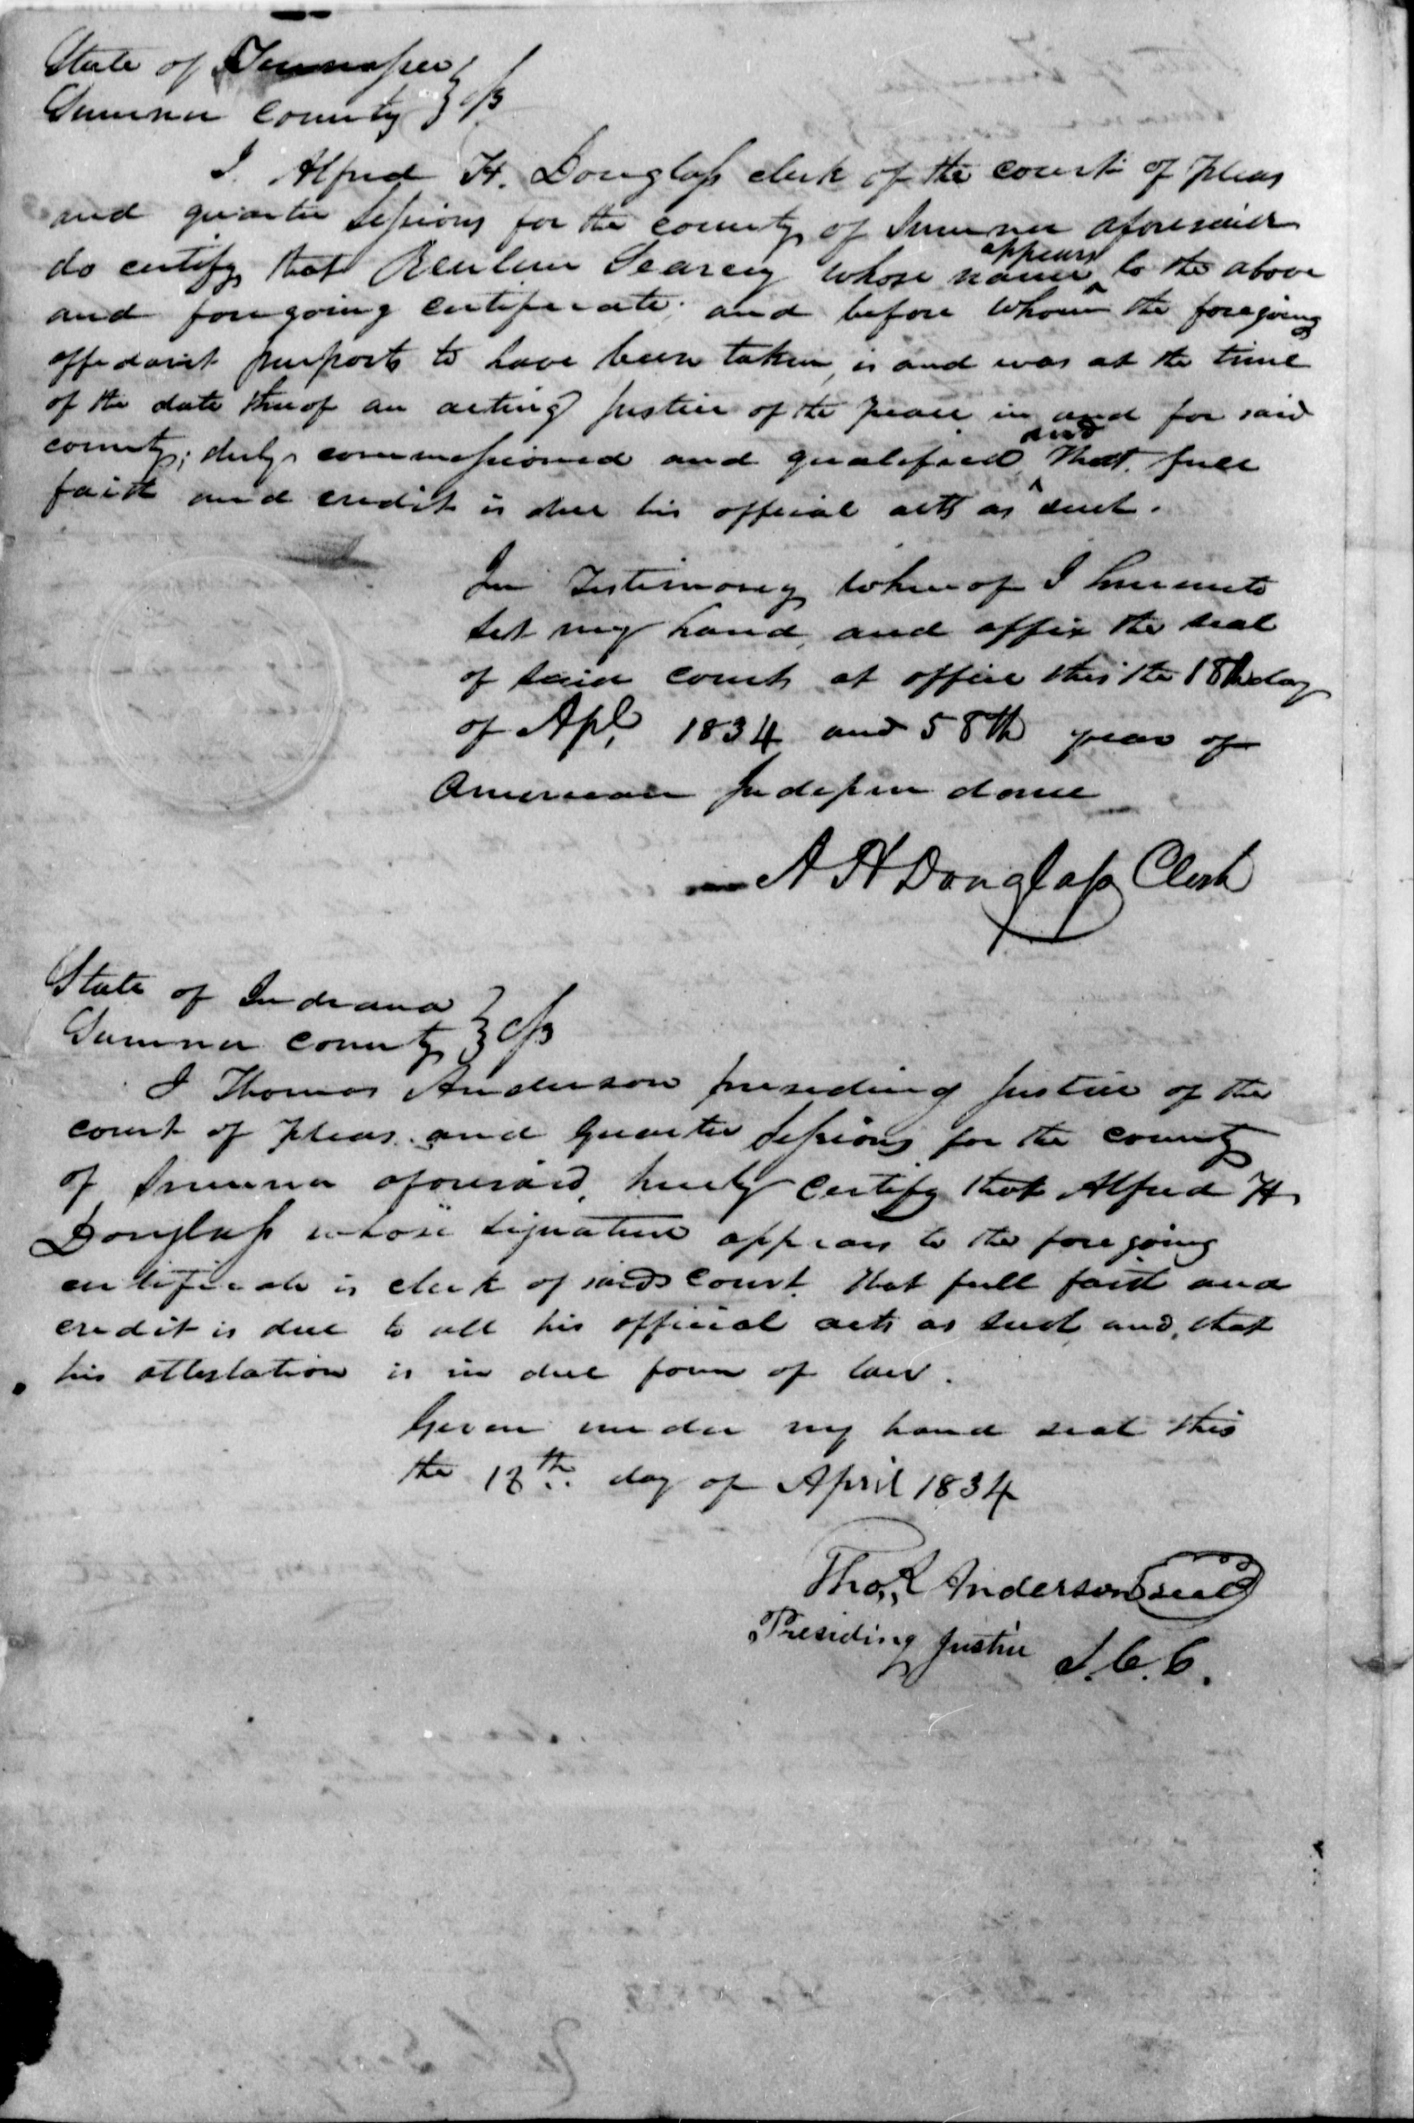State of Tennessee
Sumner County ⎬

I, Alfred H. Douglass Clerk of the Court of Pleas
and quarter Sessions for the County of Sumner aforesaid
do certify that Reuben Searcy whose name appears to the above
and foregoing certificate and before whom the foregoing
affidavit purports to have been taken, is and was at the time
of the date thereof an acting Justice of the peace in and for said
county, duly commissioned and qualified and that full
faith and credit is due his official acts as such
In Testimony whereof I hereunto
set my hand and affix the seal
of said Court at office this the 18th day
of April 1834 and 58th year of
American Independence
A H Douglass Clerk
State of Indiana
Sumner County of
I Thomas Anderson presiding Justice of the
Court of pleas and quarter Sessions for the County of Sumner aforesaid, hereby certify that Alfred H
Douglas whose signature appears to the foregoing
certificate is Clerk of said Court. that full faith and
credit is due to all his official acts as such and that
his attestation is in due form of law
Given under my hand
seal this
the 18th day of April 1834
Thomas Anderson
Presiding Justice J.C.C.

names: Reuben Searcy, A H Douglass, Alfred H Douglass, Thos Anderson, Thomas Anderson, Alfred H Douglass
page: 27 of 35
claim: survivor's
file: S. 32089, John Abbott, Continental N. C.